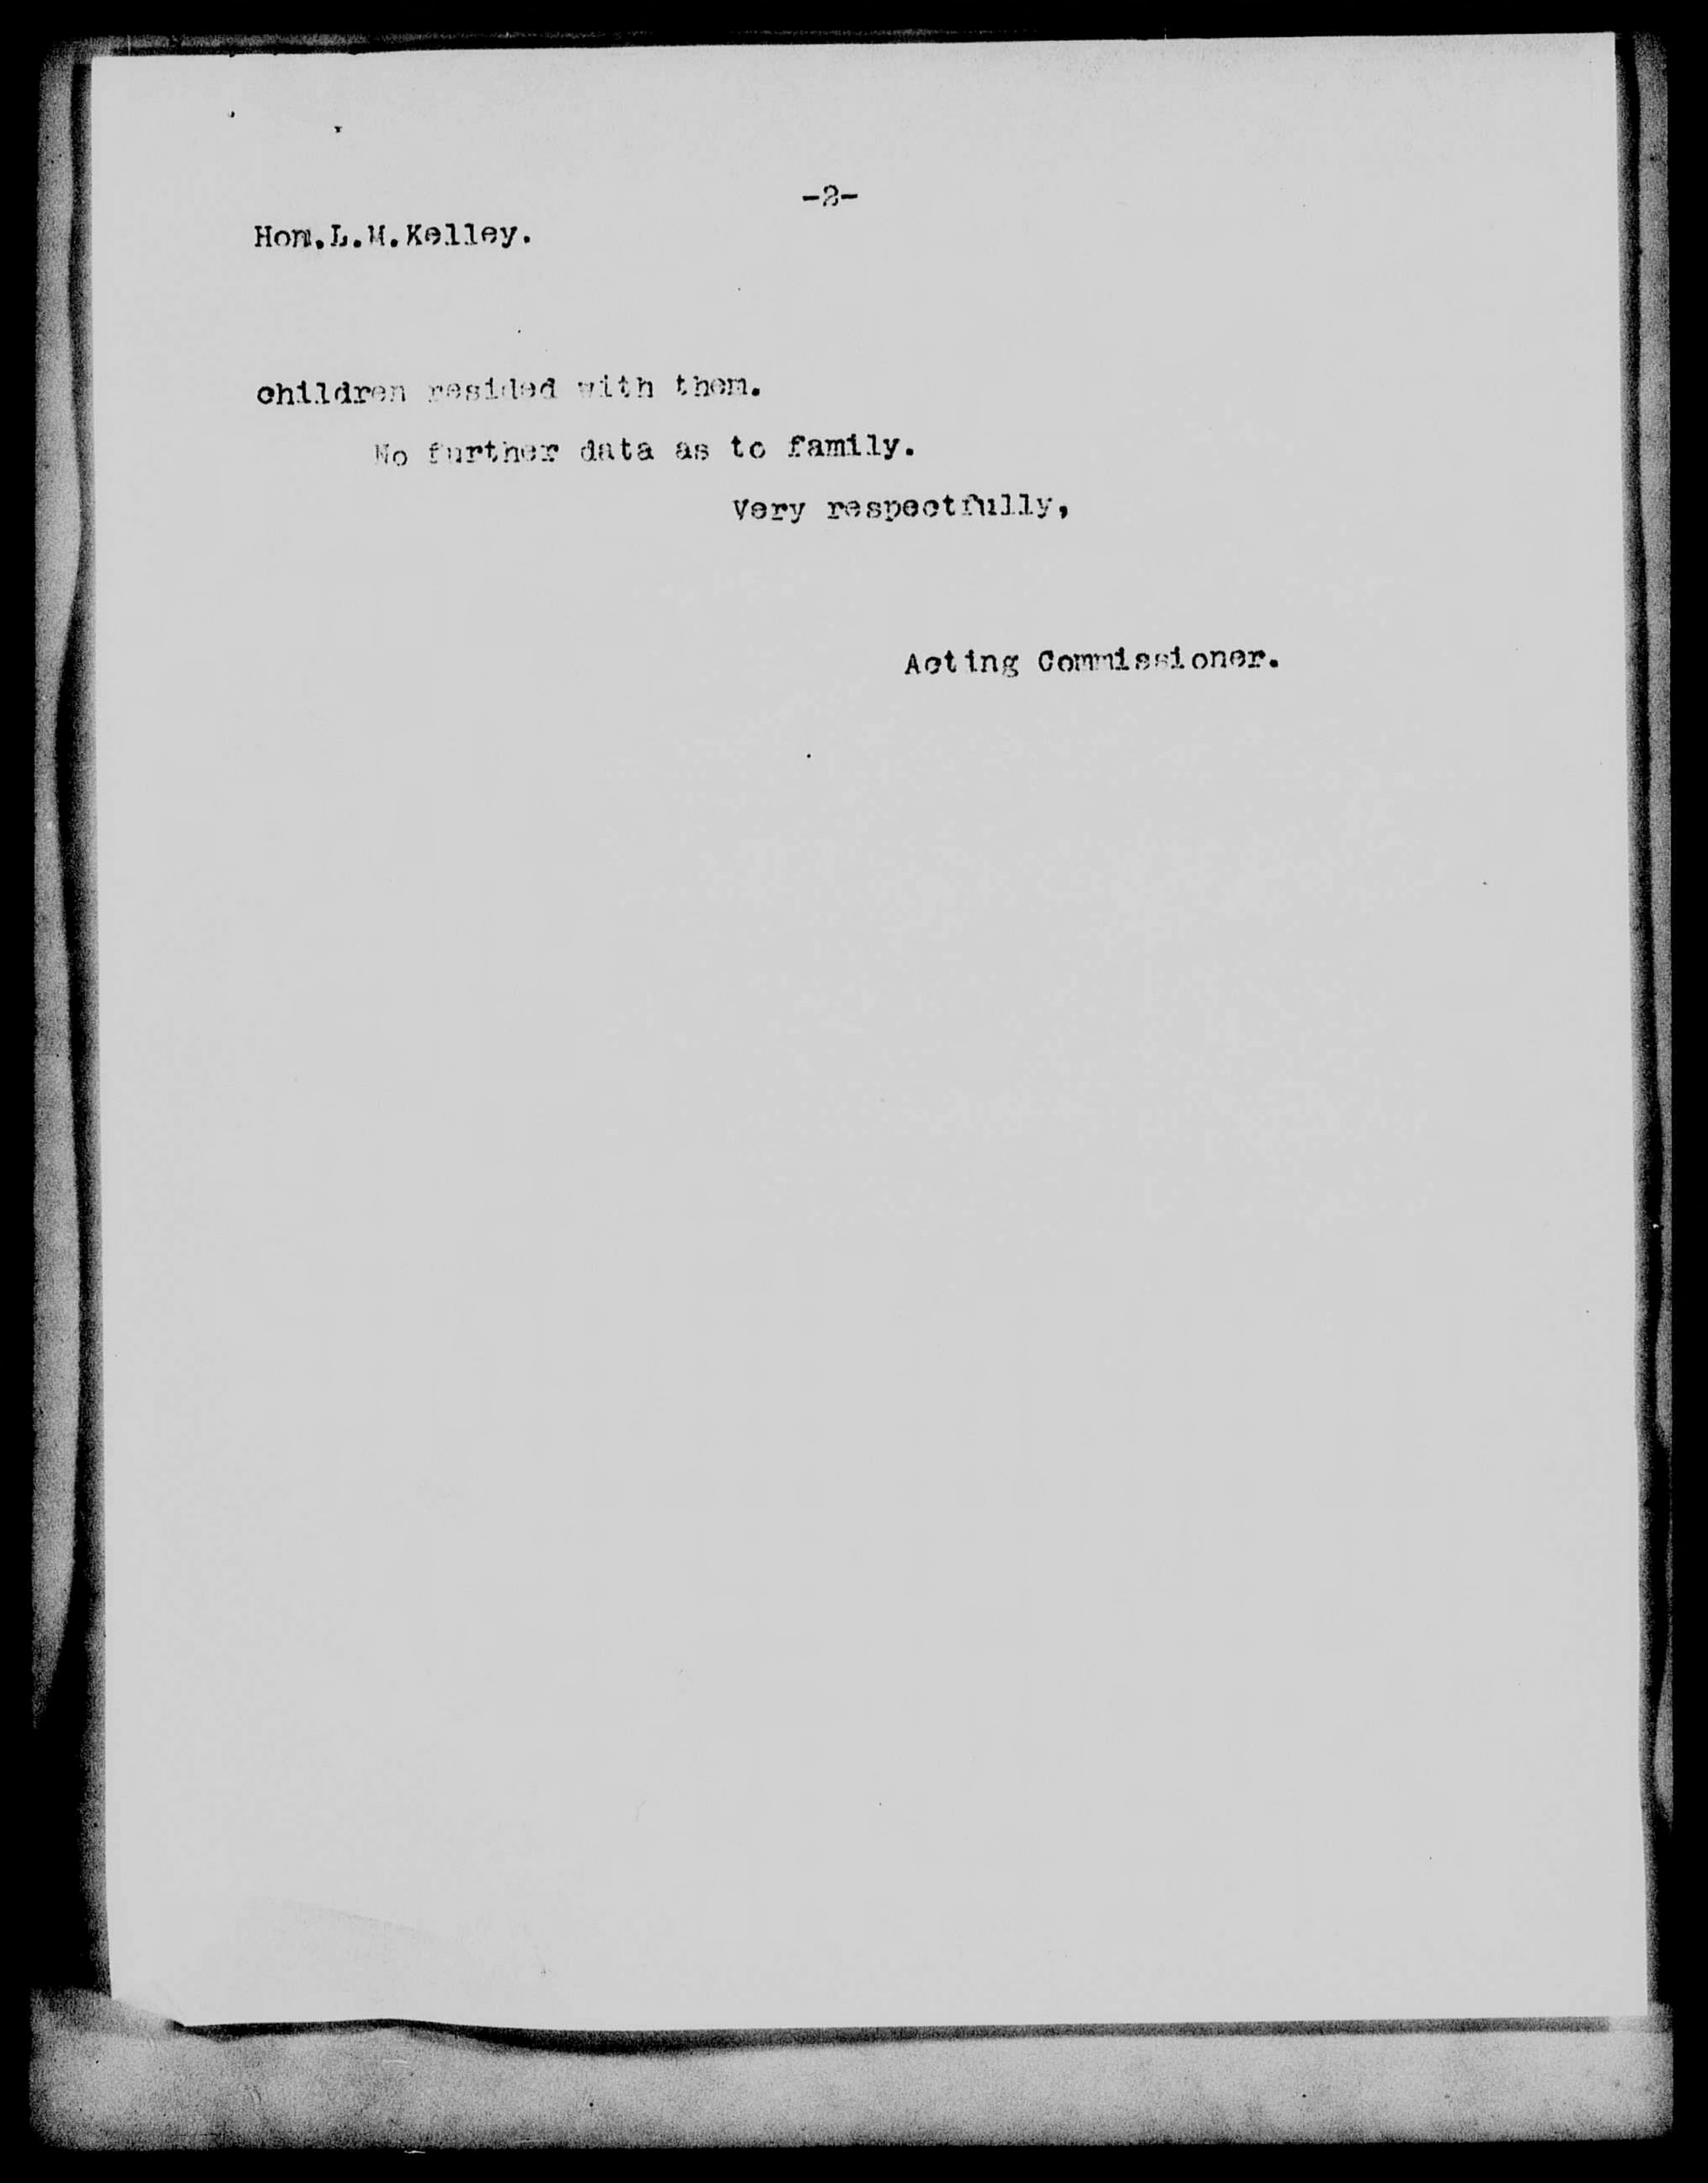-2-

Hon. L. M. Kelley.

children resided with them.

No further data as to family.

Very respectfully,

Acting Commissioner.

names: L M Kelley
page: 11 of 13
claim: survivor's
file: S. 34999, for Frederick Mittag, Maryland